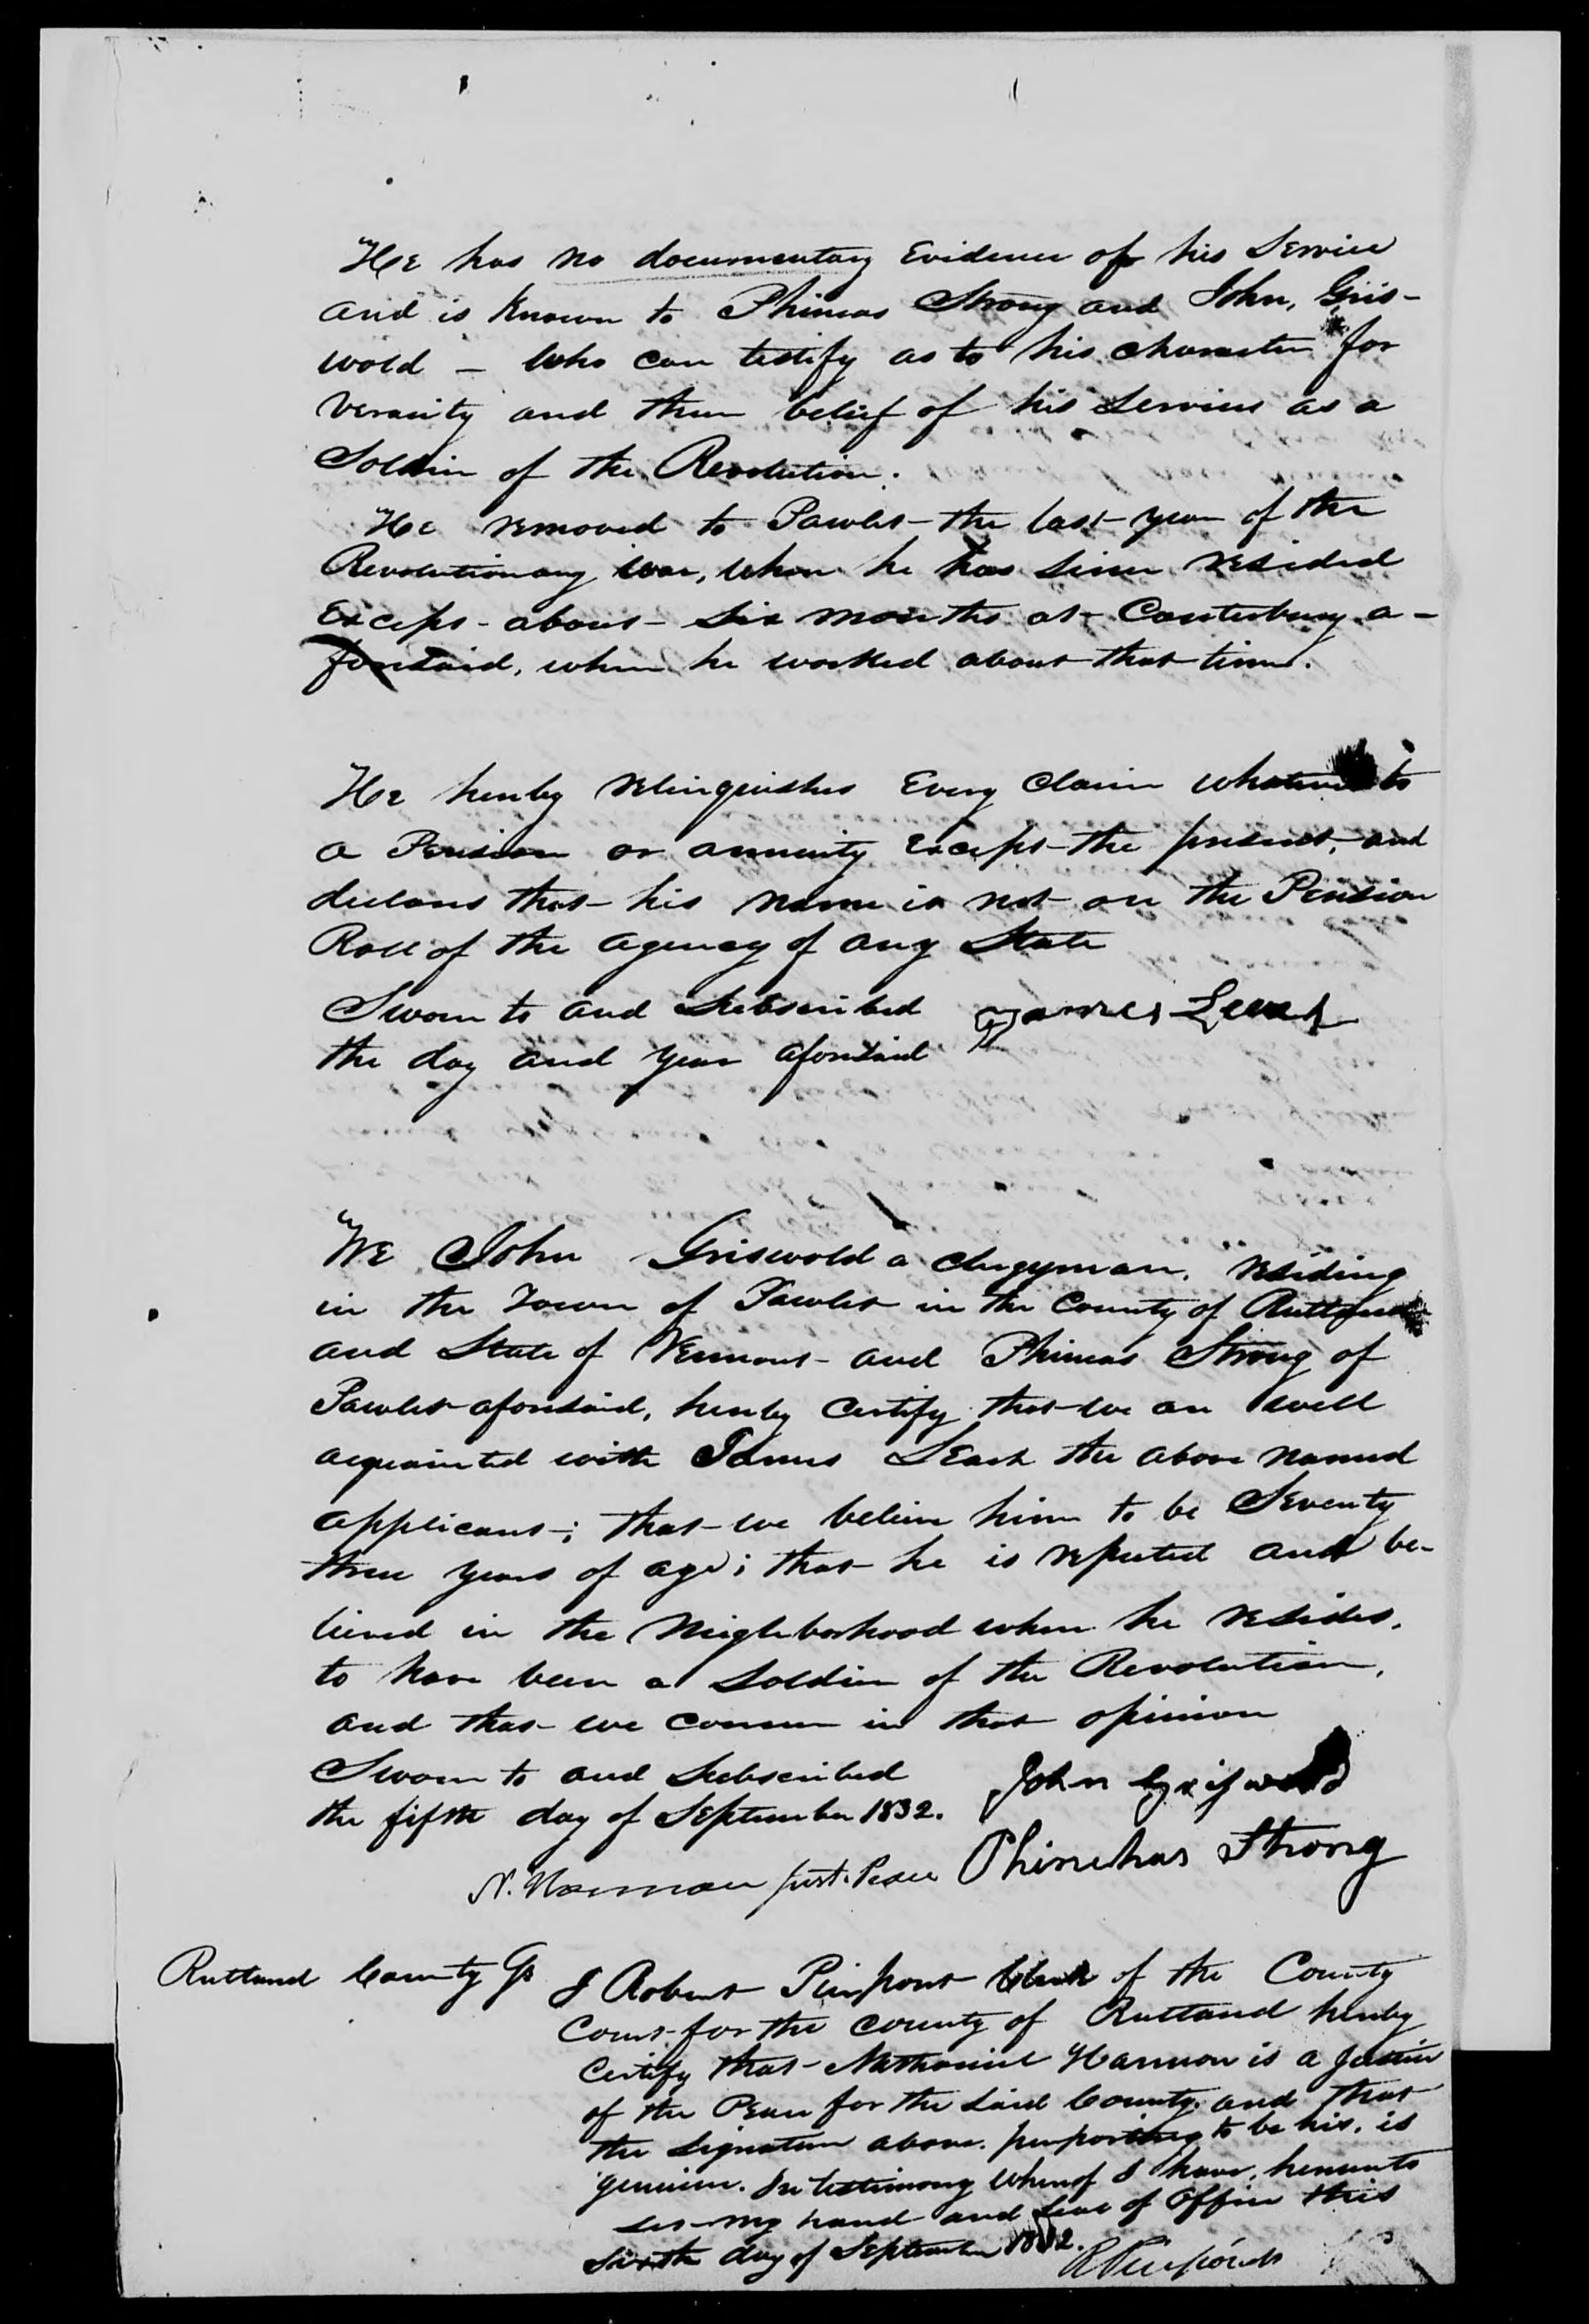He has no documentary evidence of his service and is known to Phineas Strong and John Griswold - who can testify as to his character for veracity and thus belief of his services as a soldier of the Revolution.
He moved to Pawlet the last year of the Revolutionary War where he has since resided except about six months at Canterbury aforesaid where he worked about that time.

He hereby relinquishes every claim whatsoever to a pension or annuity except the present and declares that his name is not on the Pension Roll of the Agency of any State
Sworn to and subscribed the day and year aforesaid 
James Leach

We John Griswold a clergyman residing in the Town of Pawlet in the County of Rutland and State of Vermont - and Phineas Strong of Pawlet aforesaid hereby certify that we are well acquainted with James Leach the above mentioned applicant; that we believe him to be seventy three years of age; that he is reputed and believed in the neighborhood where he resides to have been a soldier of the Revolution,  and that we concur in this opinion
Sworn to and subscribed the fifth day of September 1832.
John Grisold
Phineas Strong
N. Harmon Just. Peace

Rutland County Ss
I Robert Pierpont Clerk of the County Court for the County of Rutland hereby certify that Nathaniel Harmon is a Justice of the Peace for the said county and that the signature above purporting to be his is genuine. In testimony whereof I have hereunto set my hand and seal of office this sixth day of September 1832.
R Pierpoint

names: Robert Pierpoint; John Griswold; James Leach; Nathaniel Harmon; Phineas Strong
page: 8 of 27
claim: widow's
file: W. 24,500, for James Leach, Connecticut